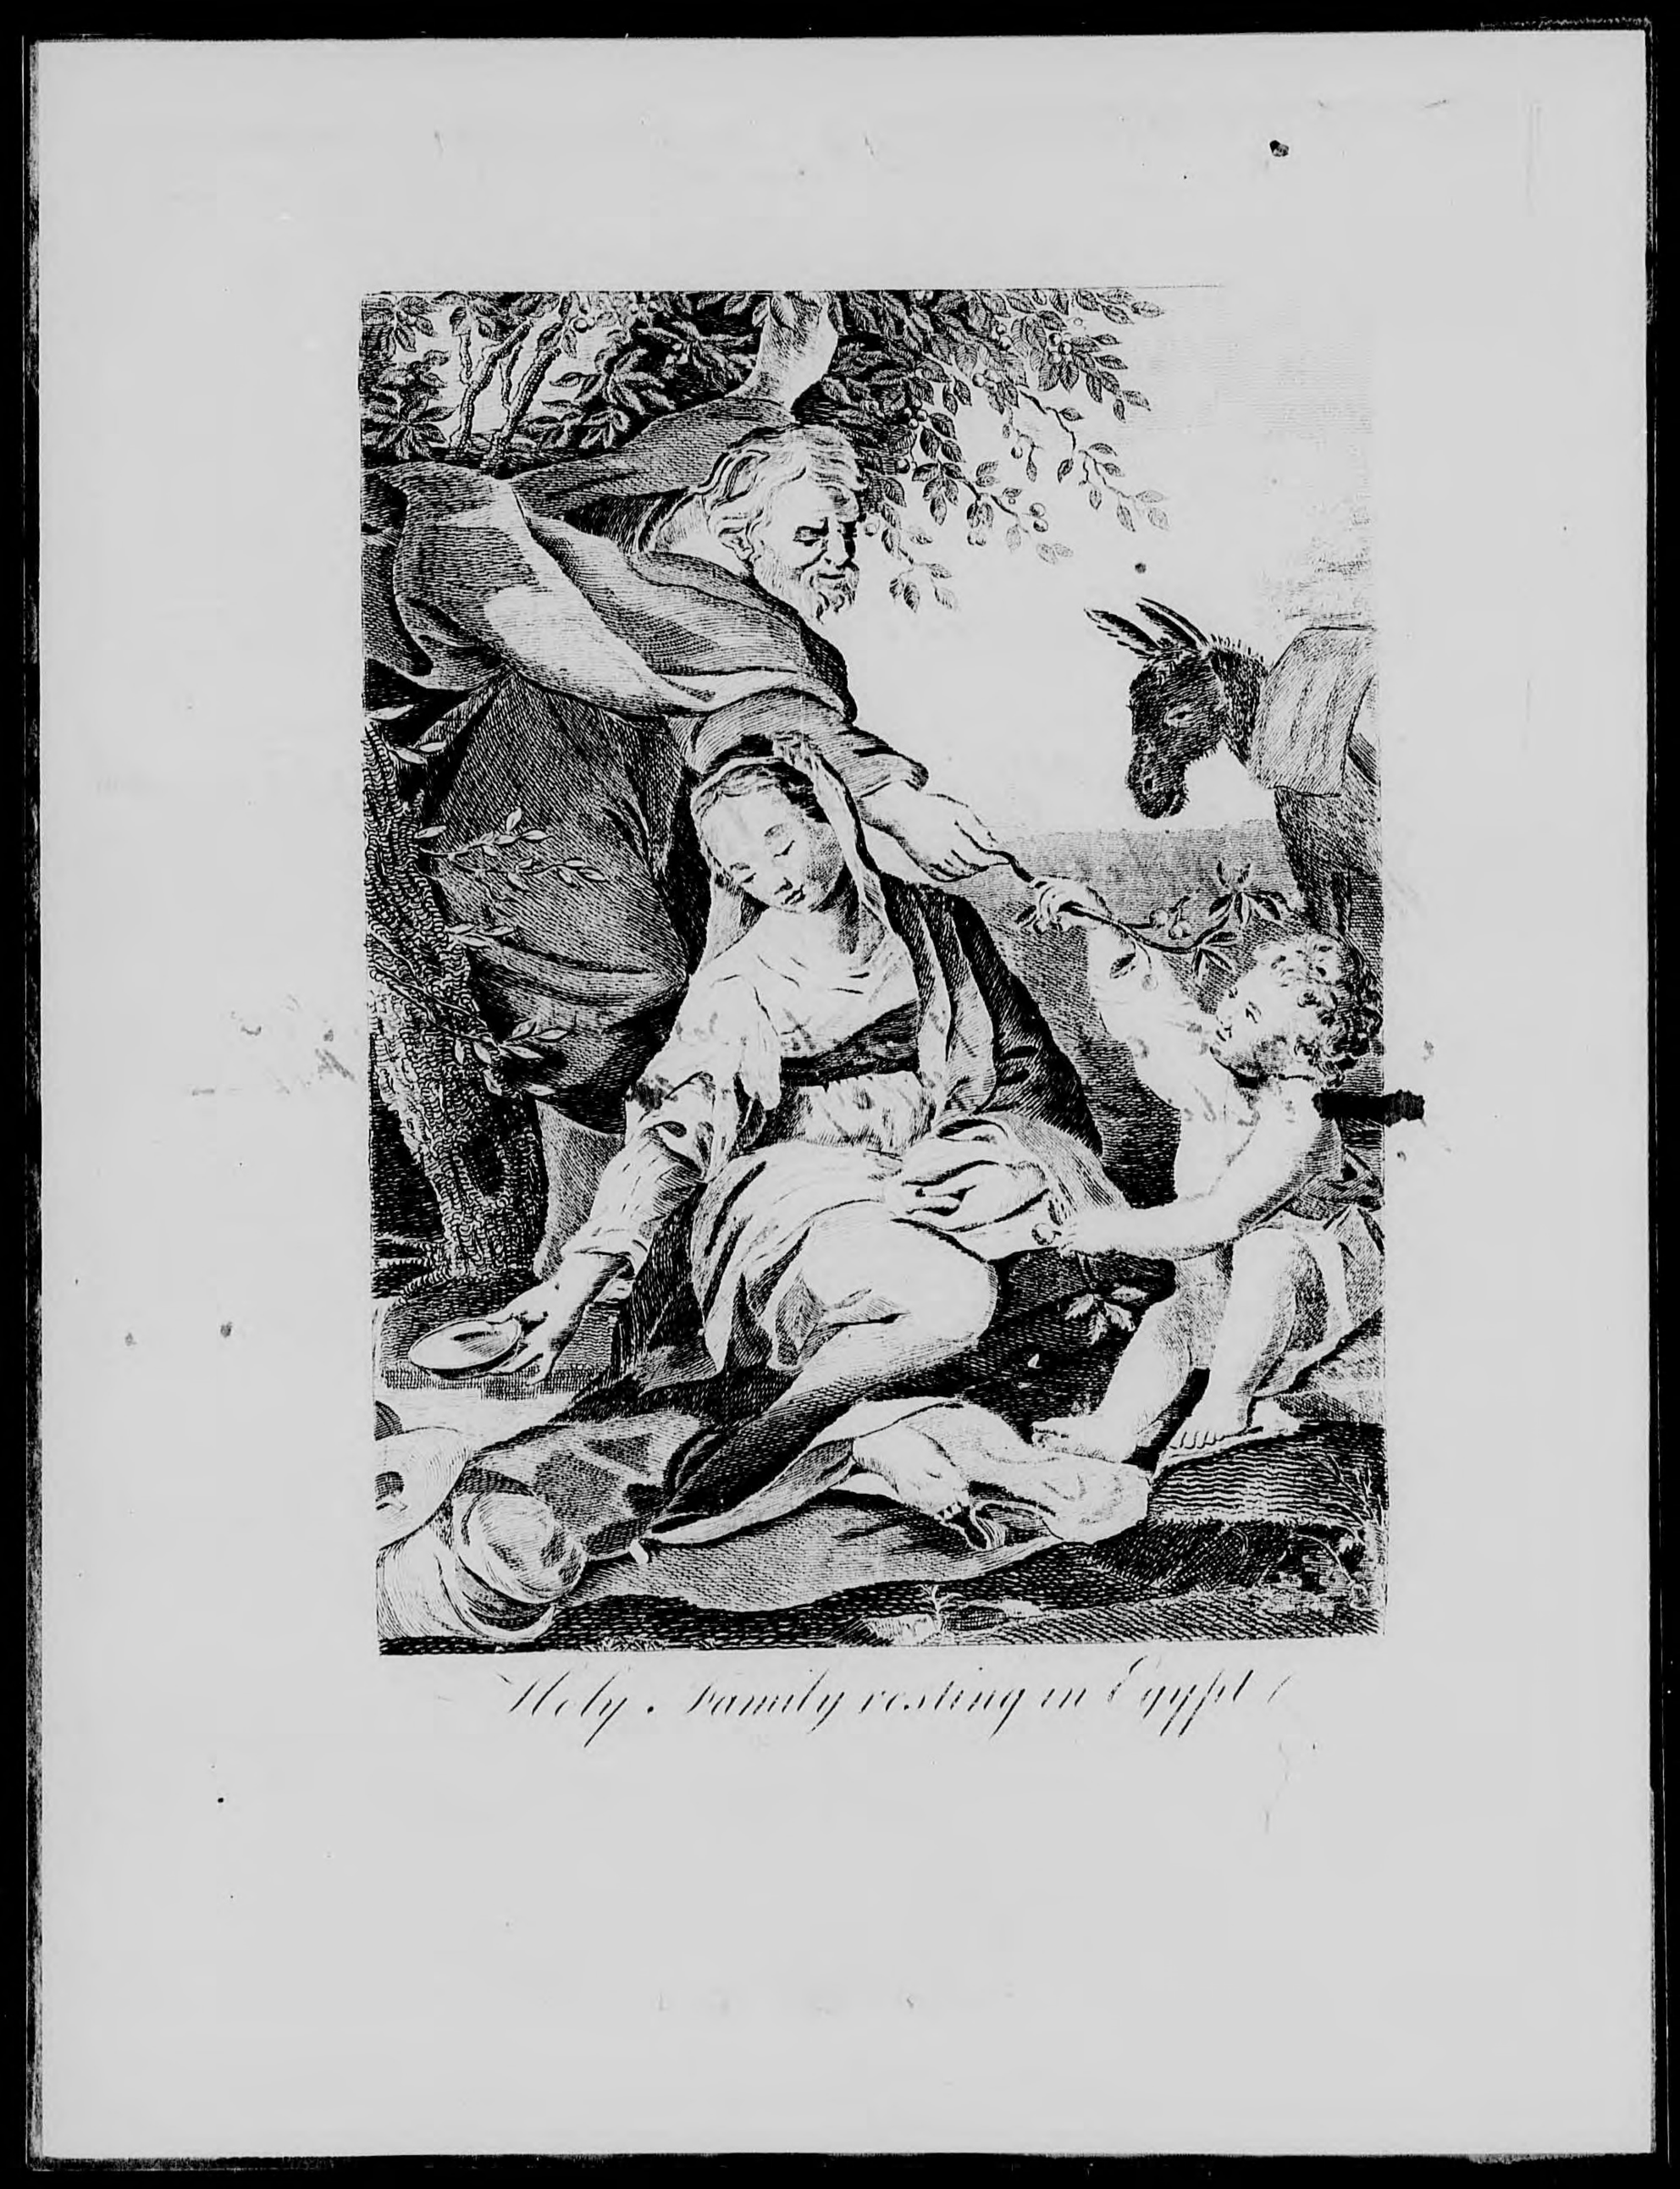[Picture from Bible-reverse of prior scan]
Holy Family resting in Egypt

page: 3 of 13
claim: rejected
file: R. 6801, for Robert Mc Neely, Pennsylvania